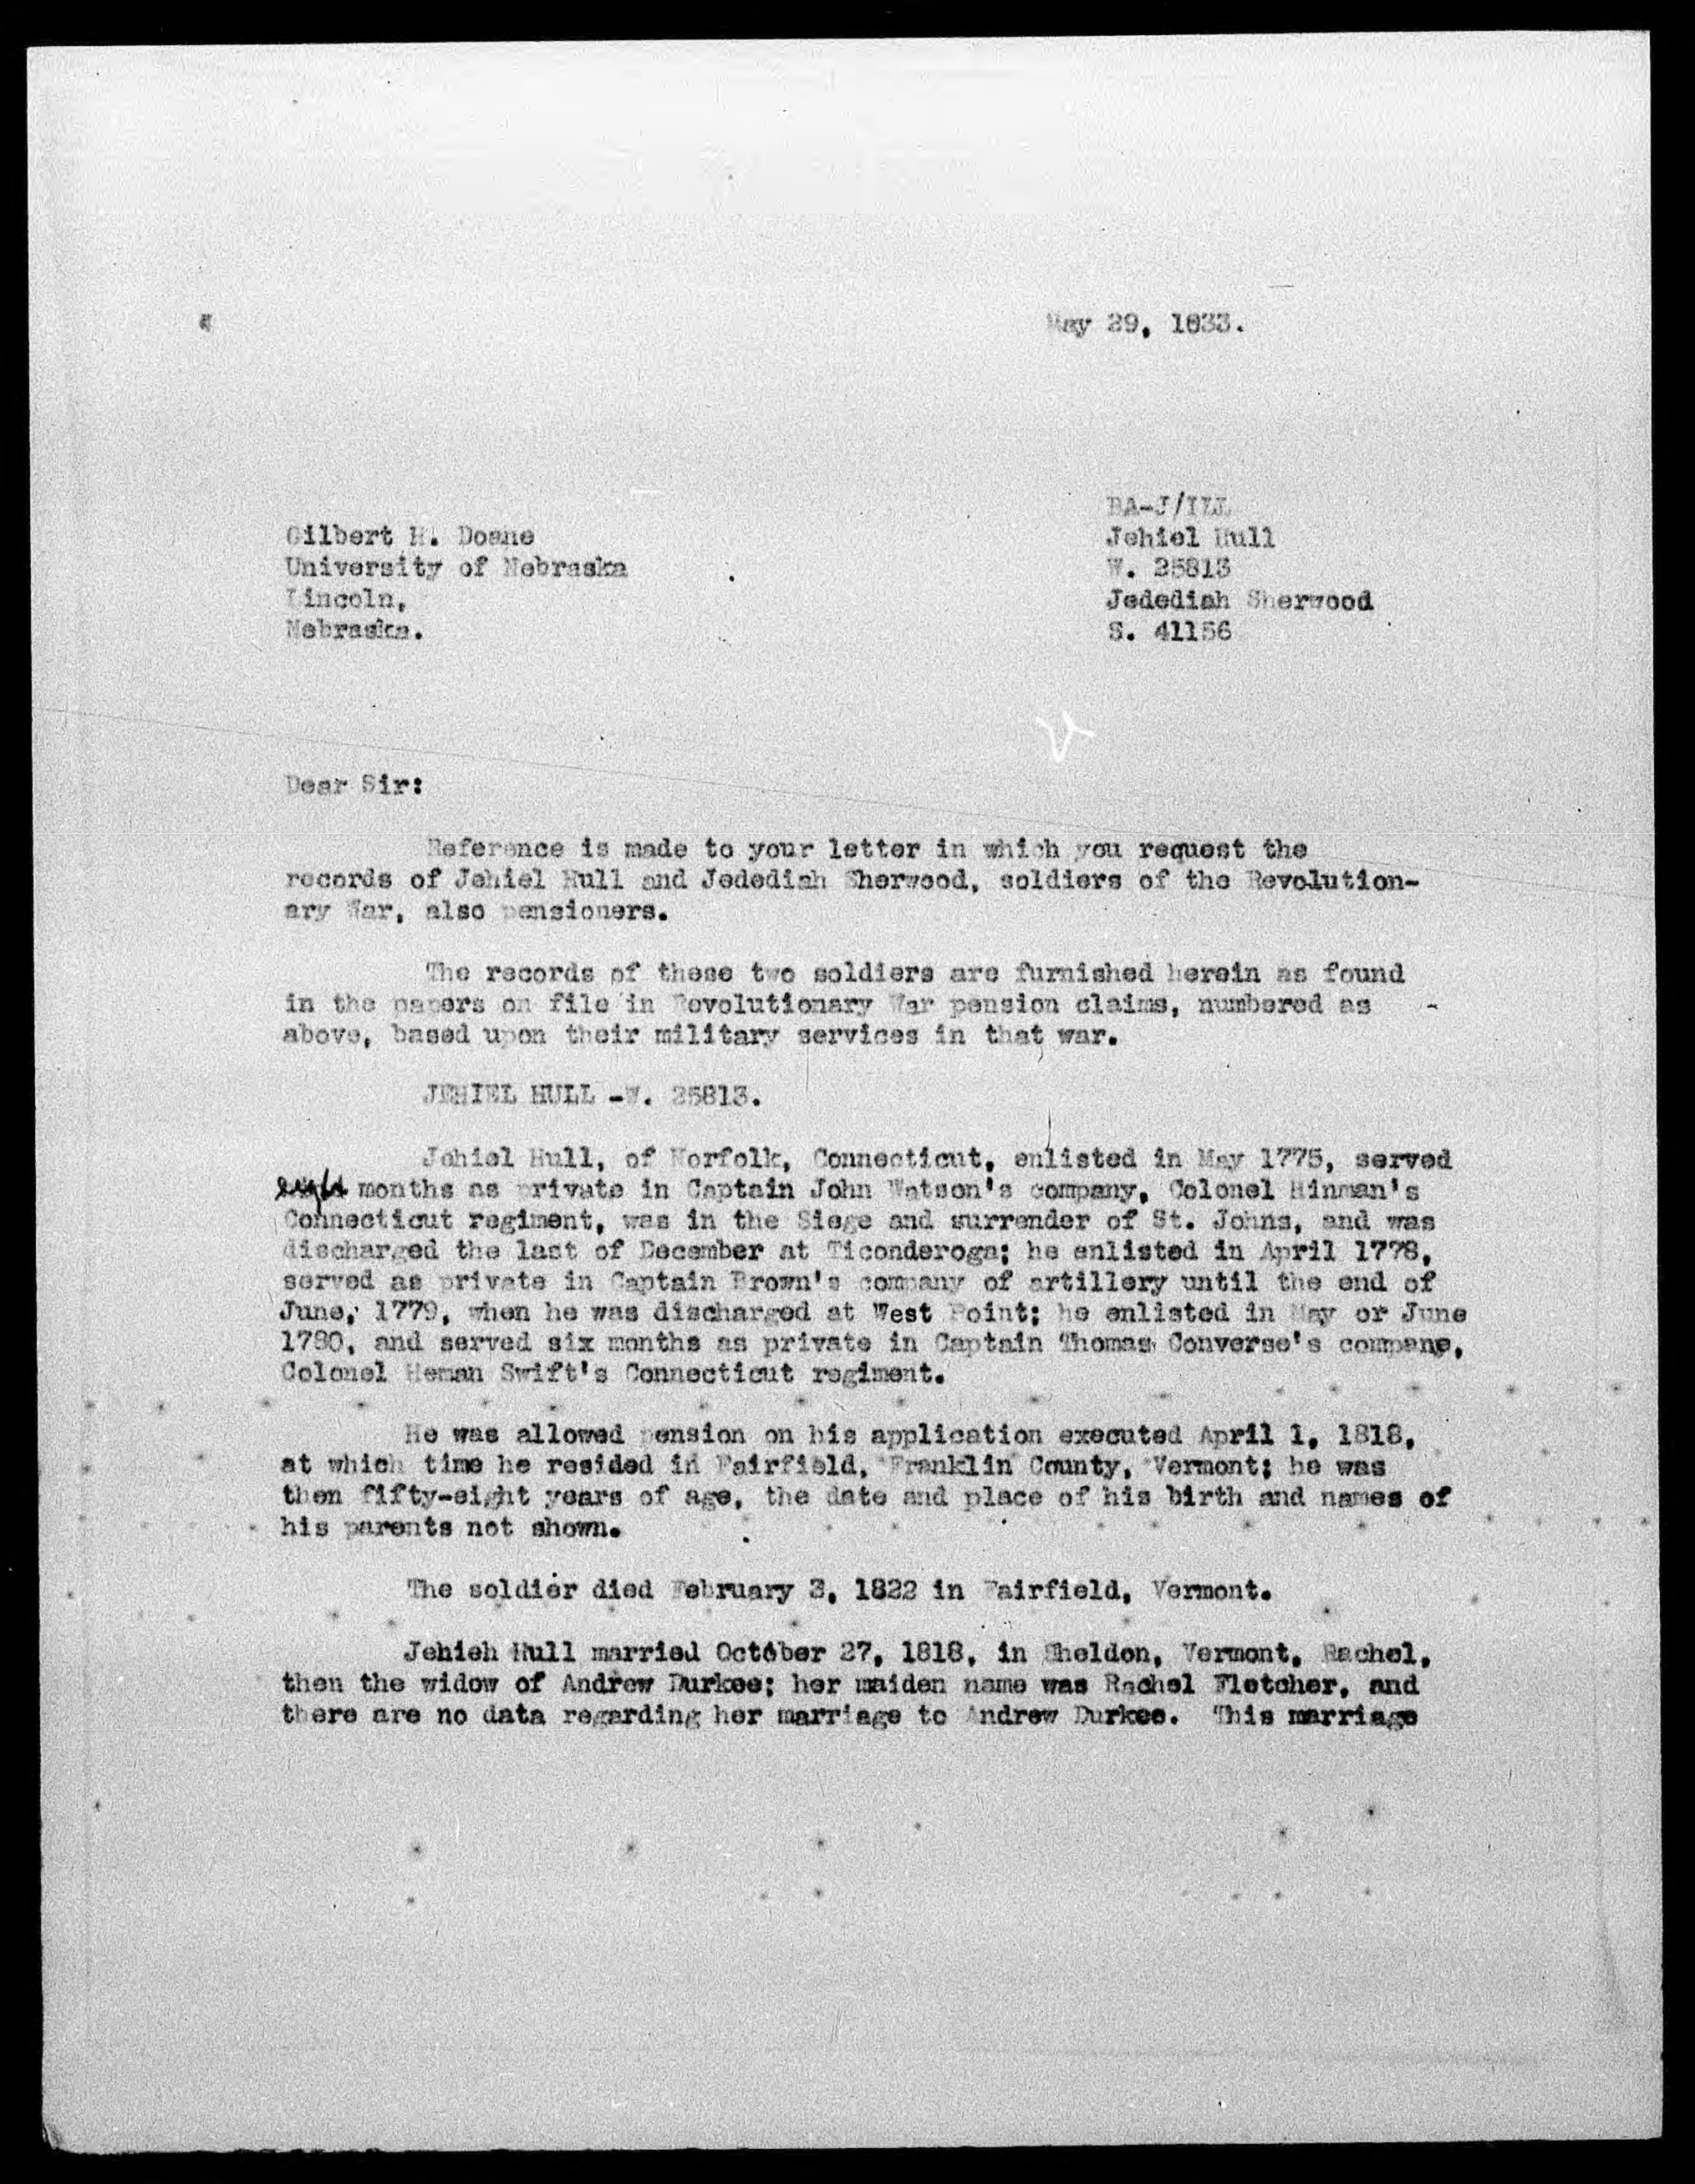May 29, 1853

Gilbert R. Doane
University of Nebraska
Lincoln, Nebraska.

RA-J/ILL
Jehiel Hull
W. 25813
Jedediah Sherwood
S. 41156

Dear Sir:

Reference is made to your letter in which you request the records of Jehiel Hull and Jedediah Sherwood, soldiers of the Revolutionary War, also pensioners.

The records of these two soldiers are furnished herein as found in the papers on file in Revolutionary War pension claims, numbered as above, based upon their military services in that war.

JEHIEL HULL - W.25813.

Jehiel Hull, of Norfolk, Connecticut, enlisted in May 1775, served eight months as private in Captain John Watson's company, Colonel Hinman's Connecticut regiment, was in the Siege and surrender of St. Johns, and was discharged the last of December at Ticonderoga; he enlisted in April 1778, served as private in Captain Brown's company of artillery until the end of June, 1779, when we was discharged at West Point; he enlisted in May or June 1780, and served six months as private in Captain Thomas Converse's company, Colonel Heman Swift's Connecticut regiment.

He was allowed pension on his application executed April 1, 1818, at which time he resided in Fairfield, Franklin County, Vermont; he was then fifty-eight years of age, the date and place of his birth and names of his parents not shown.

The soldier died February 3, 1822 in Fairfield, Vermont.

Jehieh Hull married October 27, 1818, in Sheldon, Vermont, Rachel, then the widow of Andrew Durkee; her maiden name was Rachel Fletcher, and there are no data regarding her marriage to Andrew Durkee. This marriage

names: Rachel Fletcher, Jehiel Hull, Jedediah Sherwood, Gilbert H Doane, Andrew Durkee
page: 48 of 58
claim: widow's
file: W. 25813, Jehiel Hull, Conn.